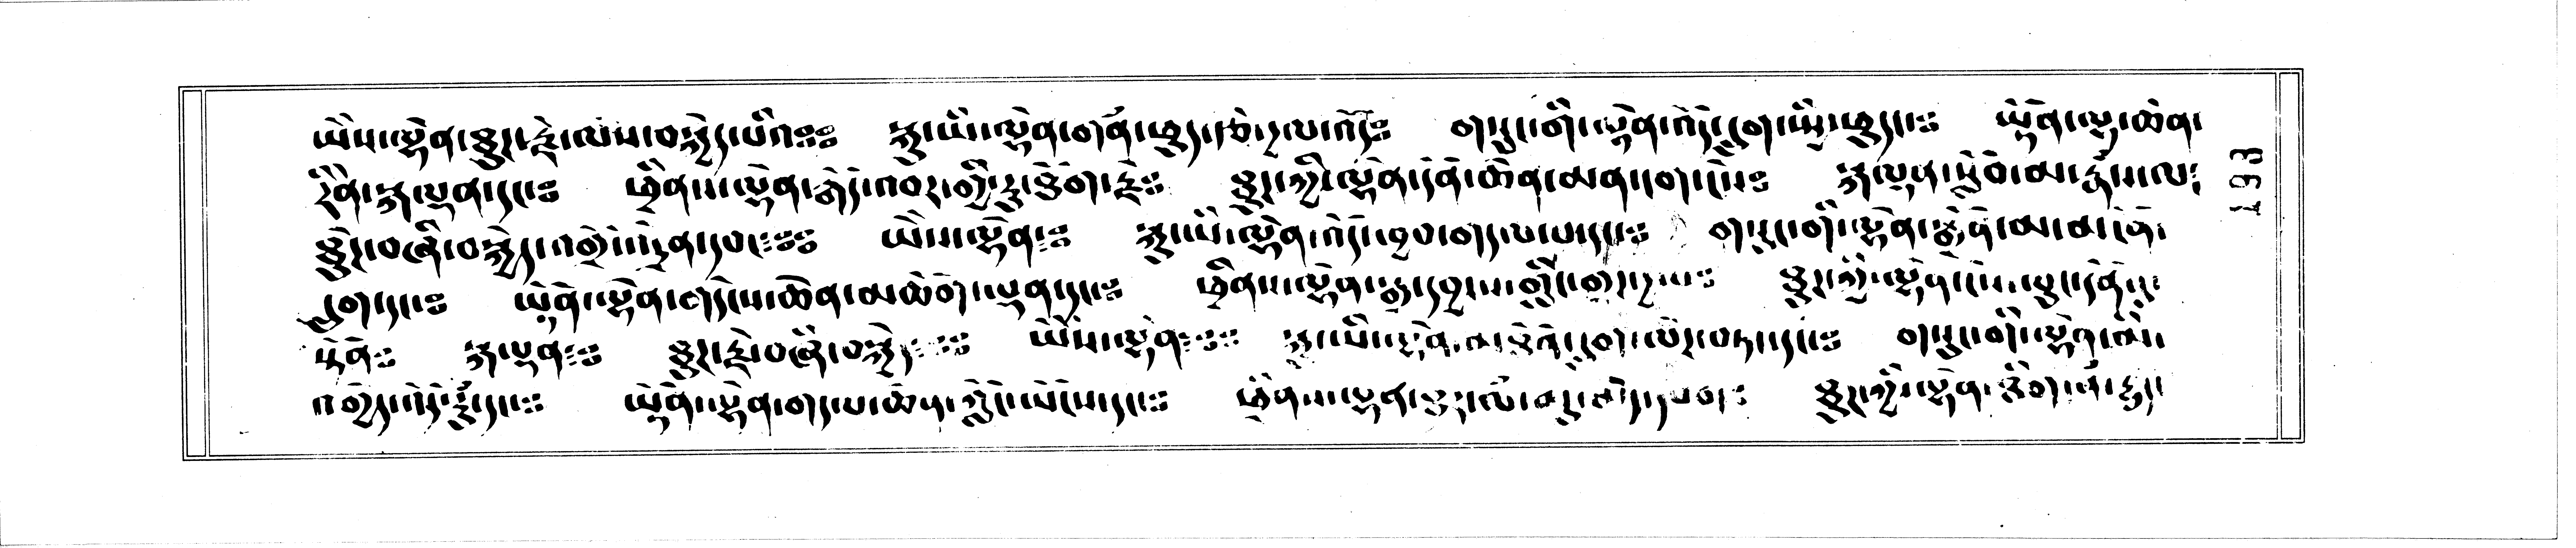ཡེ་ཤེས་ལྷ་ཆེན་པོ་ཐུགས་རྗེ་ལས་བསྐྱེད་པའིཿ སྐུ་ཡི་ལྷ་ཆེན་གནམ་ཕུད་རྩེ་རྒྱལ་འོདཿ གསུང་གི་ལྷ་ཆེན་འོད་དྲུག་སྤྱི་ཕུདཿ ཡོན་ཏན་གྱི་ལྷ་ཆེན་
རིན་ཆེན་སྐལ་ལྡནཿ ཕྲིན་ལས་ཀྱི་ལྷ་ཆེན་རྒོད་འབར་རུ་ཐོག་རྗེཿ ཐུགས་ཀྱི་ལྷ་ཆེན་དོན་ཆོད་མན་ངག་ངེསཿ སྐལ་ལྡན་སློབ་མ་རྣམས་ལ་
ཐུགས་རྗེ་བཞི་བསྐྱེད་འགྲོ་འདྲེན་དབང་ ཡེ་ཤེས་ལྷ་ སྐུ་ཡི་ལྷ་ཆེན་འོད་ཁྱབ་བདལ་པཿ གསུང་གི་ལྷ་ཆེན་སྒྲོན་མ་མངོན་
དྲུགཿ ཡོན་ཏན་ལྷ་ཆེན་གདེང་ཆེན་མཆོག་ལྡནཿ ཕྲིན་ལས་ཀྱི་ལྷ་ཆེན་སྒྲ་དབྱངས་ཀྱི་གླིང་གྲགས་རྒྱལཿ ཐུགས་ཀྱི་ལྷ་ཆེན་ངེས་ལུང་དོན་དུ་
སྟོནཿ སྐལ་ལྡན་ ཐུགས་རྗེ་བཞི་བསྐྱེད་ ཡེ་ཤེས་ལྷ་ སྐུ་ཡི་ལྷ་ཆེན་མཐོང་དྲུག་ལེགས་བཏངཿ གསུང་གི་ལྷ་ཆེན་མི་
འབྱེད་འོད་རུམཿ ཡོན་ཏན་ལྷ་ཆེན་བདལ་ཆེན་ཀློང་ཡངསཿ ཕྲིན་ལས་ཀྱི་ལྷ་ཆེན་ཐར་ལམ་མུ་མེད་དཔགཿ ཐུགས་ཀྱི་ལྷ་ཆེན་ཐིག་ནམ་རྒྱུད་